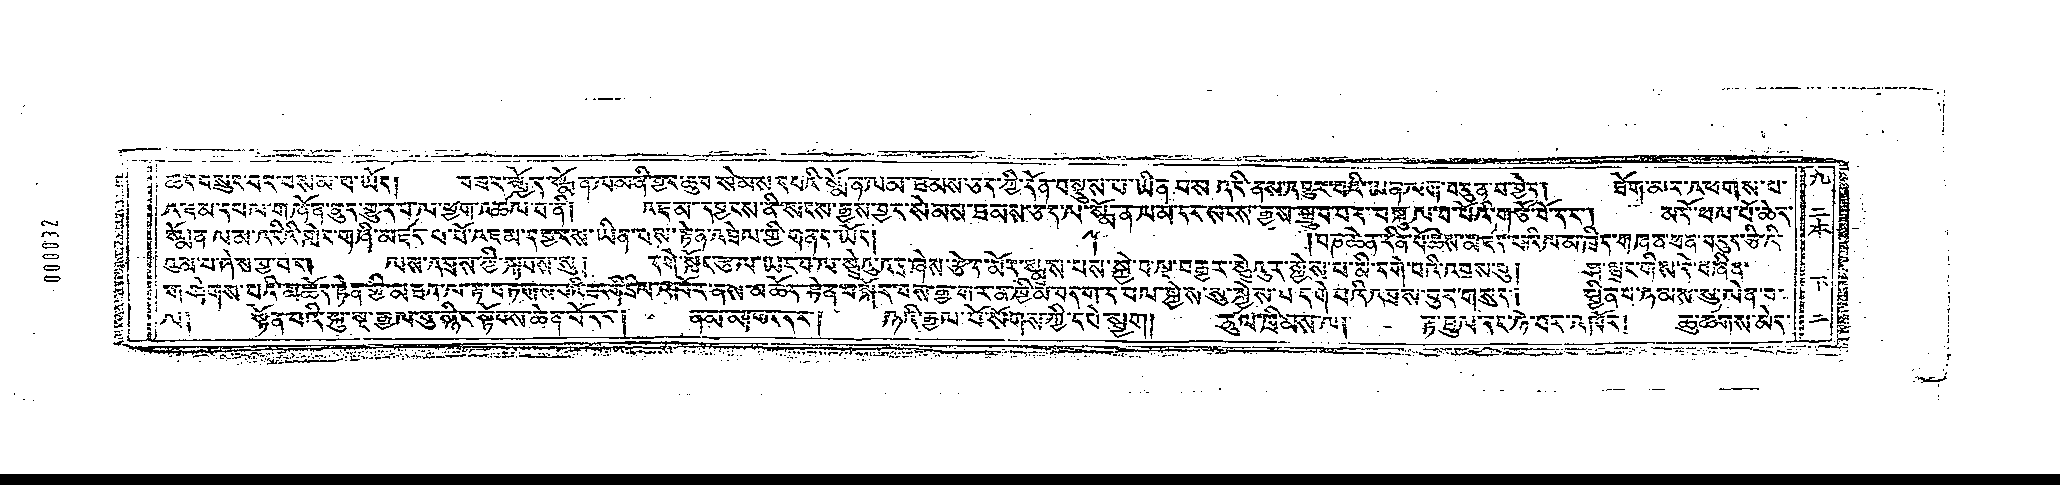ཆད་བསྲུང་བར་བསམ་པ་ཡོད། བཟང་སྤྱོད་སྨོན་ལམ་ནི་བྱང་ཆུབ་སེམས་དཔའི་སྨོན་ལམ་ཐམས་ཅད་ཀྱི་དོན་བསྡུས་པ་ཡིན་པས་འདི་ནས་འབྱུང་བའི་ཡན་ལག་བདུན་པ་བྱེད། ཐོག་མར་འཕགས་པ་
འཇམ་དཔལ་གཞོན་ནུར་གྱུར་པ་ལ་ཕྱག་འཚལ་བ་ནི། འཇམ་དབྱངས་ནི་སངས་རྒྱས་བྱང་སེམས་ཐམས་ཅད་ལ་སྨོན་ལམ་དང་སངས་རྒྱས་སྒྲུབ་པར་བསྐུལ་བ་པོའི་གཙོ་བོ་དང་། མདོ་ཕལ་པོ་ཆེར་
སྨོན་ལམ་འདིའི་གླེང་གཞི་མཛད་པ་པོ་འཇམ་དབྱངས་ཡིན་པས་རྟེན་འབྲེལ་གྱི་གནད་ཡོད། ༈ །པཎ་ཆེན་རིན་པོ་ཆེས་མཛད་པའི་ལམ་ཁྲིད་གཞན་ཕན་བདུད་རྩིའི་
བུམ་བ་ཞེས་བྱ་བར། ལས་འབྲས་ཀྱི་སྐབས་སུ། དགེ་སློང་རྩ་ལ་ཡང་བ་ལ་སྤྲེའུ་འདྲ་ཞེས་རྩེད་མོར་སྨྲས་བས་སྐྱེ་བ་ལྔ་བརྒྱད་སྤྲེའུར་སྐྱེས་པ་མི་དགེ་པའི་འབྲས་བུ། ཤ་སྤྲང་གིས་དེ་བཞིན་
གཤེགས་པའི་མཆོད་རྟེན་གྱི་མཐའ་ལ་རྟ་བརྟགས་པའི་ཐང་གི་དྲིལ་འཁོར་ནས་མཆོད་རྟེན་བསྐོར་བས་རྒྱ་གར་ན་ཁྱིམ་བདག་དཔལ་སྐྱེས་སུ་སྐྱེས་པ་དགེ་བའི་འབྲས་བུར་གསུང་། སྦྱིན་པ་ཉམས་སུ་ལེན་པ་
ལ། སྟོན་པའི་སྐུ་སྔ་རྒྱལ་བུ་སྙིང་སྟོབས་ཆེན་པོ་དང་། ནམ་མཁའ་དང་། ཉའི་རྒྱལ་པོ་སོགས་ཀྱི་དཔེ་སྦྱར། ཚུལ་ཁྲིམས་ལ། རྟ་ཐུལ་དང་ཉེ་བར་འཁོར། །ཆུ་ཚགས་མེད་